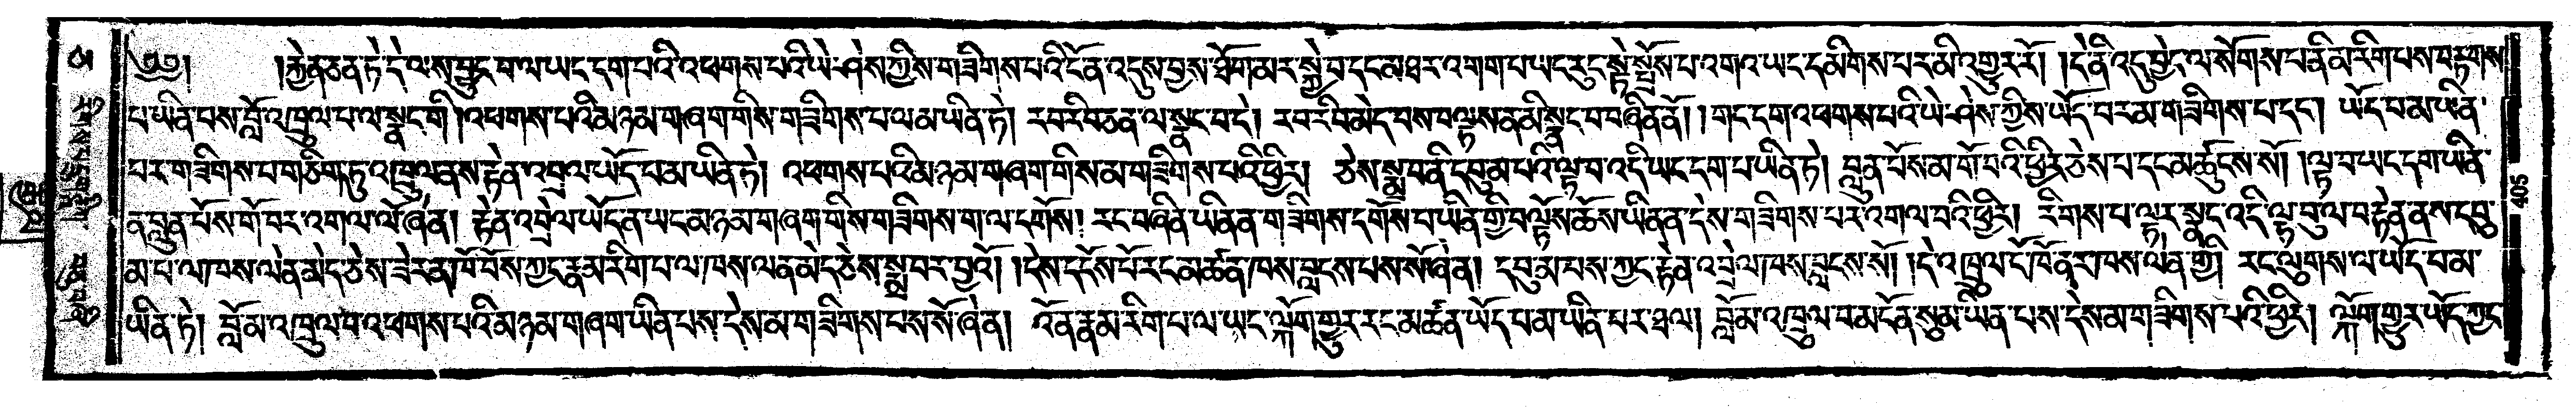༄༅། །རྐྱེན་ཅན་ཏེ་དེ་ལས་བྱུང་བ་ལ་ཡང་དག་པའི་འཕགས་པའི་ཡེ་ཤེས་ཀྱིས་གཟིགས་པའི་ངོ་ན་འདུས་བྱས་ཐོག་མར་སྐྱེ་བ་དང་མཐར་འགག་པ་ཡང་རུང་སྟེ་སྤྲོས་པ་འགའ་ཡང་དམིགས་པར་མི་འགྱུར་རོ། །དེ་ནི་འདུ་བྱེད་ལ་སོགས་པ་ནི་མ་རིག་པས་བརྟགས་
པ་ཡིན་པས་བློ་འཁྲུལ་པ་ལ་སྣང་གི །འཕགས་པའི་མཉམ་གཞག་གིས་གཟིགས་པ་ལ་མ་ཡིན་ཏེ། རབ་རིབ་ཅན་ལ་སྣང་བ་དེ། རབ་རིབ་མེད་པས་བལྟས་ན་མི་སྣང་བ་བཞིན་ནོ། །གང་དག་འཕགས་པའི་ཡེ་ཤེས་ཀྱིས་ཡོད་པར་མ་གཟིགས་པ་དང་། ཡོད་པ་མ་ཡིན་
པར་གཟིགས་པ་གཅིག་ཏུ་འཁྲུལ་ནས་རྟེན་འབྲལ་ཡོད་པ་མ་ཡིན་ཏེ། འཕགས་པའི་མཉམ་གཞག་གིས་མ་གཟིགས་པའི་ཕྱིར། ཅེས་སྨྲ་བ་ནི་དབུ་མ་པའི་ལྟ་བ་འདི་ཡང་དག་པ་ཡིན་ཏེ། བླུན་པོས་མ་གོ་བའི་ཕྱིར་ཅེས་པ་དང་མཚུངས་སོ། །ལྟ་བ་ཡང་དག་ཡིན་
ན་བླུན་པོས་གོ་བར་འགལ་ལོ་ཞེ་ན། རྟེན་འབྲེལ་ཡོད་ན་ཡང་མཉམ་གཞག་གིས་གཟིགས་ག་ལ་དགོས། རང་བཞིན་ཡིན་ན་གཟིགས་དགོས་པ་ཡིན་གྱི་བལྟོས་ཆོས་ཡིན་ན་དེས་གཟིགས་པར་འགལ་བའི་ཕྱིར། རིགས་པ་ལྟར་སྣང་འདི་ལྟ་བུ་ལ་བརྟེན་ནས་དབུ་
མ་པ་ལ་ཁས་ལེན་མེད་ཅེས་ཟེར་ན་ཁོ་བོས་ཀྱང་རྣམ་རིག་པ་ལ་ཁས་ལན་མེད་ཅེས་སྨྲ་བར་བྱའོ། །དེས་དངོས་པོ་རང་མཚན་ཁས་བླངས་པས་སོ་ཞེ་ན། དབུ་མ་པས་ཀྱང་རྟེན་འབྲེལ་ཁས་བླངས་སོ། །དེ་འཁྲུལ་ངོ་ཁོ་ནར་ཁས་ལེན་གྱི། རང་ལུགས་ལ་ཡོད་པ་མ་
ཡིན་ཏེ། བློ་མ་འཁྲུལ་པ་འཕགས་པའི་མཉམ་གཞག་ཡིན་པས་དེས་མ་གཟིགས་པས་སོ་ཞེ་ན། འོ་ན་རྣམ་རིག་པ་ལ་ཡང་ལྐོག་གྱུར་རང་མཚན་ཡོད་པ་མ་ཡིན་པར་ཐལ། བློ་མ་འཁྲུལ་བ་མངོན་སུམ་ཡིན་པས་དེས་མ་གཟིགས་པའི་ཕྱིར། ལྐོག་གྱུར་ཡོད་ཀྱང་